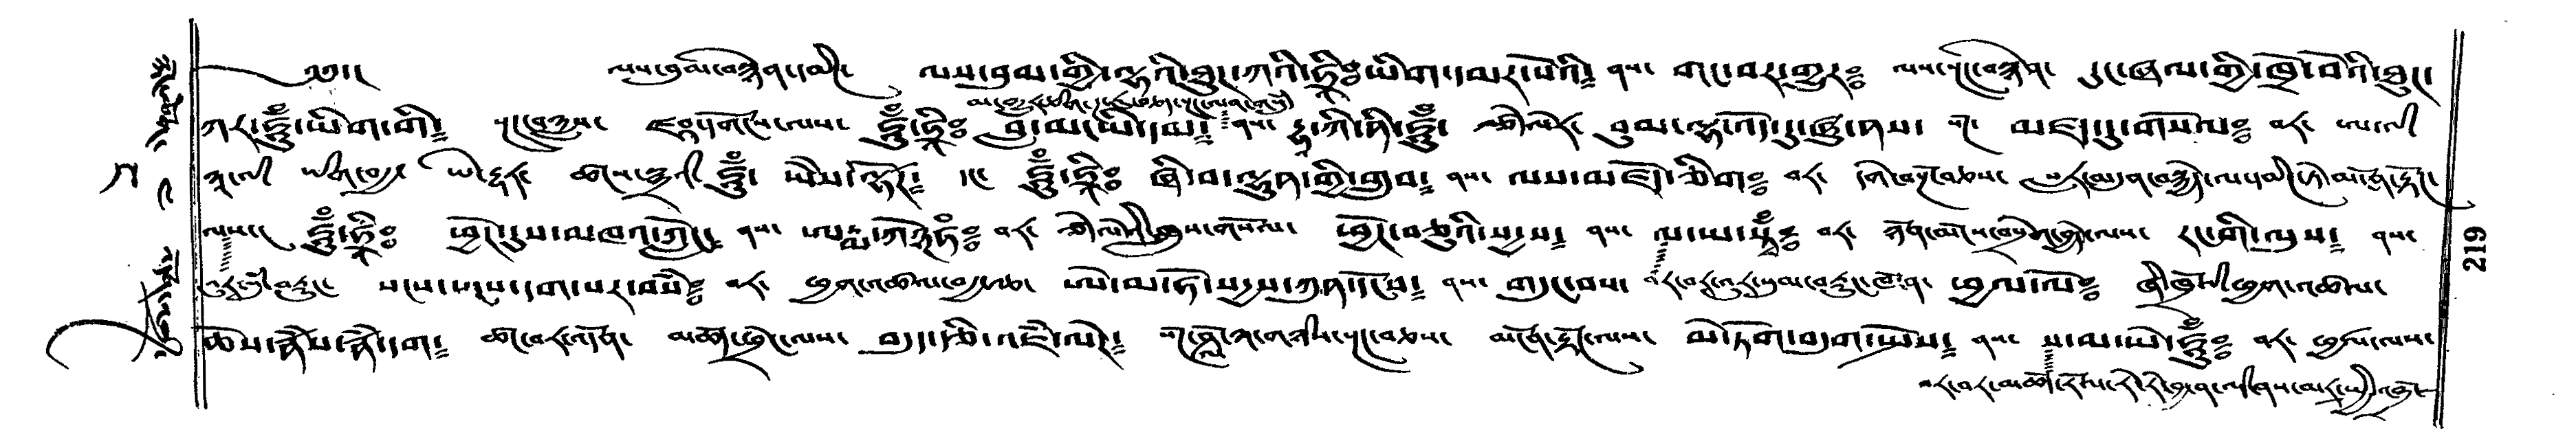ལས་བུམ་སྙེན་དམིགས། ལས་བུམ་གྱི་ལྷའི་ཐུགས་ཀའི་ཧྲཱིཿཡིག་དམར་པོའི༴ ནས། གང་བར་གྱུར༔ ལས་སྔགས་སྙེན། དུང་ཞལ་གྱི་ཁྲོ་བོའི་ཐུགས་
ཀར་ཧཱུྃ་ཡིག་གི༴ སྔགས་བཟླ། ཛབ་དགོངས་ལས། ཧཱུྃ་ཧྲཱིཿ བླ་མ་ཡི་དམ༴ ནས། དྷཱ་ཀི་ནི་ཧཱུྃ༔ རྩེ་ལེར། བུམ་ལྷ་འོད་དུ་ཞུ་ནས༴ སོགས། མཛད་དུ་གསོལ༔ བར། ཨ་ལི། 
ཀཱ་ལི། ཡིག་བརྒྱ། ཡེ་དྷར། ཚངས་སྒྲའི། ཧཱུྃ༔ ཡེ་ཤེས་ལྷ་ཚོགས༴ དང་། ཧཱུྃ་ཧྲཱིཿ ཞི་བ་ལྷུན་གྱི་གྲུབ༴ ནས། ལས་མཛོད་ཅིག༔ བར། དགེ་བསྔོ་བཅས། སླར་མདུན་སྐྱེད་ལ་དམིགས་ཏེ་མངོན་རྟོགས་
ལས། ཧཱུྃ་ཧྲཱི༔ ཕྱོགས་དུས་མཁའ་ཀློང༴ ནས། ཨཏྨ་ཀོ྅་ཧཾ༔ བར། ཙེ་ལེའི་ཁྲུས་གསོལ། ཕྱོགས་བཅུའི་སངས་རྒྱས༴ ནས། ལ་ཡེ་སྟྭཾ༔ བར། ཉོན་མོངས་སྲེག་བྱེད་ལས། རང་གི་ལུས༴ 
སངས་སངས་དག་པར་བསམ༔ བར། ཕྱག་འཚལ་བརྒྱ་རྩ། ཨེ་མ་ཧོཿསངས་རྒྱས་ཀུན་དངོས༴ ནས། གདུང་བས་ཕྱག་འཚལ་ལོ༔ དང་། ཞི་ཁྲོའི་ཕྱག་འཚལ། 
ཆོས་རྣམས་རྣམ་དག༴ ཚང་བར་འདོན། མཆོད་ཕྲེང་ལས། བདུད་རྩི་འཇམ་ལེགས༴ སོགས་ཤོ་ལོ་ཀ་གཉིས་སྔགས་བཅས། མངོན་རྟོགས་ལས། མེ་ཏོག་བདུག་སྤོས༴ ནས། ས་མ་ཡེ་ཧཱུྃ༔ བར། ཕྱག་འཚལ་ལས།